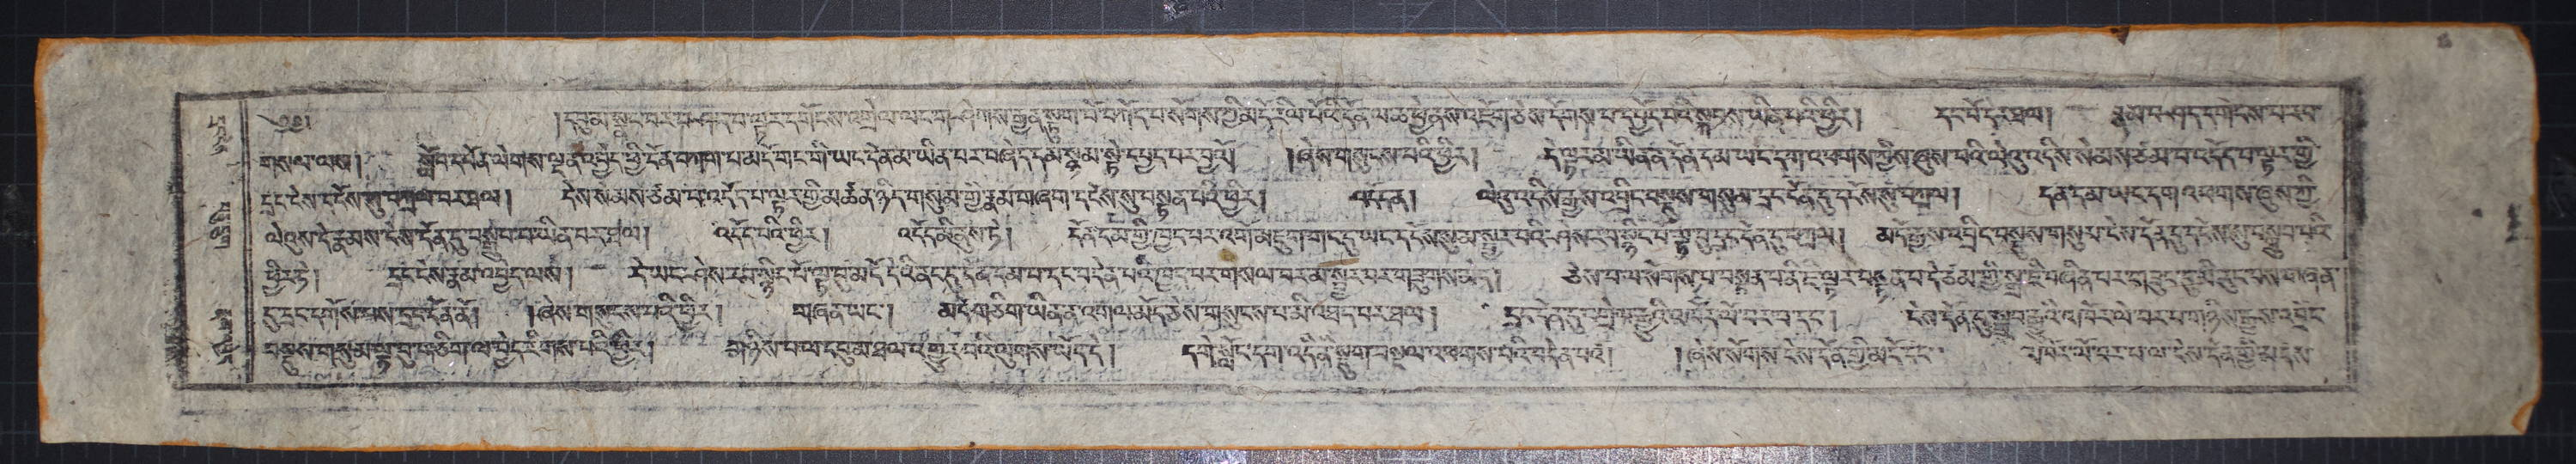༄༅། །དབུ་མ་སྣང་བར་བཤད་པ་ལྟར་དགོངས་འགྲེལ་ལང་གཤེགས་རྒྱན་སྟུག་པོ་བཀོད་པ་སོགས་ཀྱི་མདོ་རིལ་པོའི་དོན་ལ་ཆ་ཕྱེ་ནས་འཇོག་ཅེས་དོགས་པ་དཔྱོད་པའི་སྐབས་ཡིན་པའི་ཕྱིར། དང་པོ་དེར་ཐལ། རྣམ་བཤད་དགོངས་པ་རབ་
གསལ་ལས། སློབ་དཔོན་ལེགས་ལྡན་འབྱེད་ཕྱི་དོན་བཀག་པ་མདོ་གང་གི་ཡང་དོན་མ་ཡིན་པར་བཞེད་དམ་སྙམ་སྟེ་དཔྱོད་པར་བྱའོ། །ཞེས་གསུངས་པའི་ཕྱིར། དེ་ལྟར་མ་ཡིན་ན་དོན་དམ་ཡང་དག་འཕགས་ཀྱིས་ཞུས་པའི་ལེའུ་འདིས་སེམས་ཙམ་པ་འདོད་པ་ལྟར་གྱི་
དྲང་ངེས་དངོས་སུ་བཀྲལ་བར་ཐལ། དེས་སེམས་ཙམ་པ་འདོད་པ་ལྟར་གྱི་མཚན་ཉིད་གསུམ་གྱི་རྣམ་གཞག་དངོས་སུ་བསྟན་པའི་ཕྱིར། འདོད་ན། ལེའུ་འདིས་རྒྱས་འབྲིང་བསྡུས་གསུམ་དྲང་དོན་དུ་དངོས་སུ་བཀྲལ། དོན་དམ་ཡང་དག་འཕགས་ཞུས་ཀྱི་
ལེའུས་དེ་རྣམས་ངེས་དོན་དུ་བསྒྲུབ་པ་ཡིན་པར་ཐལ། འདོད་པའི་ཕྱིར། འདོད་མི་ནུས་ཏེ། དོན་དམ་གྱི་ཁྱད་པར་འགོ་མཇུག་གང་དུ་ཡང་དངོས་སུ་མ་སྦྱར་བའི་ཤེས་རབ་སྙིང་པོ་ལྟ་བུ་དྲང་དོན་དུ་བཀྲལ། མདོ་རྒྱས་འབྲིང་བསྡུས་གསུམ་ངེས་དོན་དུ་དངོས་སུ་བསྒྲུབ་པའི་
ཕྱིར་ཏེ། དྲང་ངེས་རྣམ་འབྱེད་ལས། དེ་ཡང་ཤེས་རབ་སྙིང་པོ་ལྟ་བུ་མདོ་དེའི་ནང་དུ་དོན་དམ་པ་དང་བདེན་པའི་ཁྱད་པར་གསལ་བར་མ་སྦྱར་བར་གཟུགས་མེད། ཅེས་པ་ལ་སོགས་པ་བསྟན་པ་ནི་ཇི་ལྟར་བསྟན་པ་དེ་ཙམ་གྱི་སྒྲ་ཇི་བཞིན་པར་གཟུང་དུ་མི་རུང་བས་གཞན་
དུ་དྲང་དགོས་པས་དྲང་དོན་ནོ། །ཞེས་གསུངས་པའི་ཕྱིར། གཞན་ཡང་། མདོ་གཅིག་ཡིན་ན་འགལ་མོད་ཅེས་གསུངས་པ་མི་འཐད་པར་ཐལ། དྲང་དོན་དུ་འགྲེལ་རྒྱུའི་འཁོར་ལོ་བར་པ་དང་། ངེས་དོན་དུ་སྒྲུབ་རྒྱུའི་འཁོར་ལོ་བར་པ་གཉིས་རྒྱས་འབྲིང་
བསྡུས་གསུམ་ལྟ་བུ་གཅིག་ལ་བྱེད་རིགས་པའི་ཕྱིར། གཉིས་པ་ལ་དབུ་མ་ཐལ་འགྱུར་བའི་ལུགས་ཡོད་དེ། དགེ་སློང་དག་འདི་ནི་སྡུག་བསྔལ་འཕགས་པའི་བདེན་པའོ། །ཞེས་སོགས་ངེས་དོན་གྱི་མདོ་དང་། འཁོར་ལོ་བར་པ་ལ་ངེས་དོན་གྱི་མདོས་